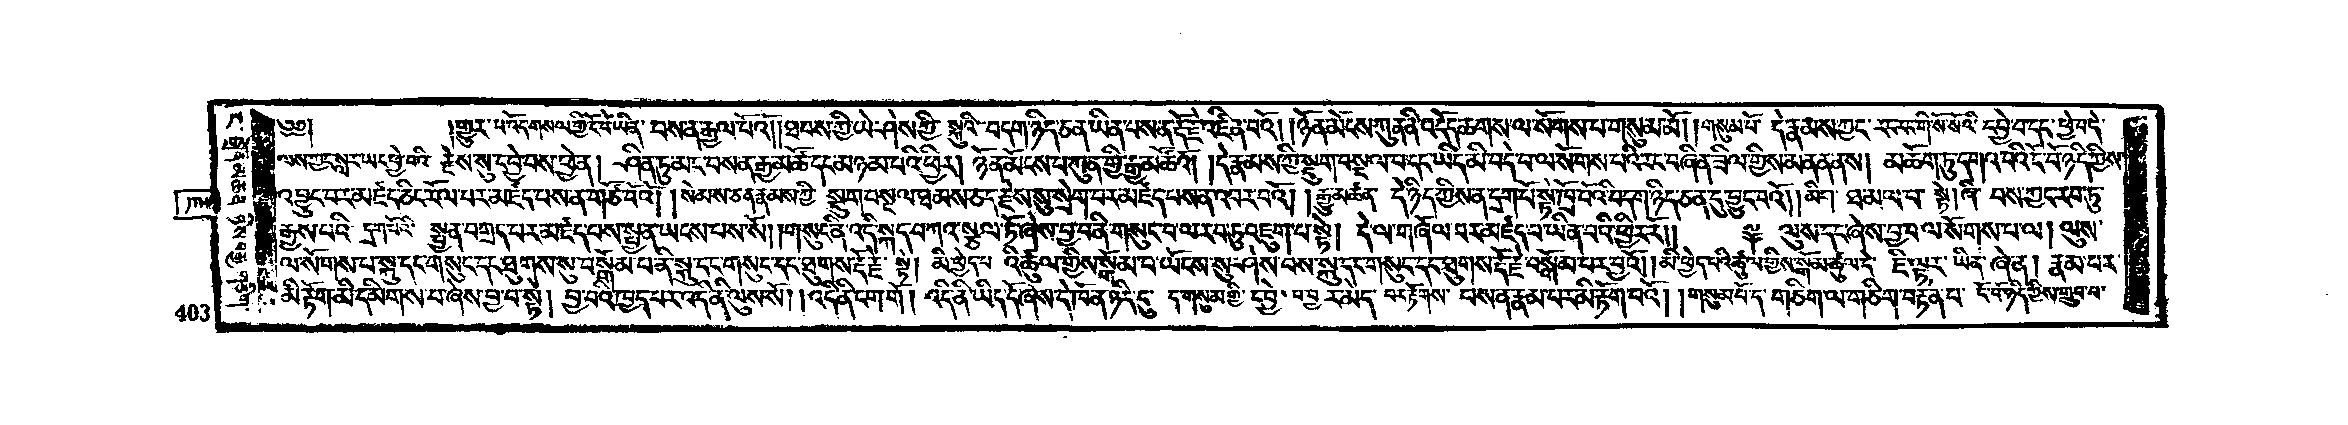༄༅། །གྱུར་བ་འོད་གསལ་གྱི་ངོ་བོ་ཡིན་པས་ན་རྒྱལ་པོའོ། །ཐབས་ཀྱི་ཡེ་ཤེས་ཀྱི་སྐུའི་བདག་ཉིད་ཅན་ཡིན་པས་ན་རྡོ་རྗེ་འཛིན་པའོ། །ཉོན་མོངས་ཀུན་ནི་འདོད་ཆགས་ལ་སོགས་པ་གསུམ་མོ། ། གསུམ་པོ་དེ་རྣམས་ཀྱང་རང་རང་གི་སོ་སོའི་དབྱེ་བ་དང་ཕྱེ་བ་དེ་
ལས་ཀྱང་སླར་ཡང་ཕྱེ་བའི་རྗེས་སུ་དབྱེ་བས་ཕྱི་ན། ཤིན་ཏུ་མང་བས་ན་རྒྱ་མཚོ་དང་མཉམ་པའི་ཕྱིར། ཉོན་མོངས་པ་ཀུན་གྱི་རྒྱ་མཚོའོ། །དེ་རྣམས་ཀྱི་སྡུག་བསྔལ་བ་དང་ཡིད་མི་བདེ་བ་ལ་སོགས་པའི་རང་བཞིན་ཟིལ་གྱིས་མནན་ནས། མཆོག་ཏུ་དགའ་བའི་ངོ་བོ་ཉིད་ཀྱིས་
འབྱུང་བར་མཛད་ཅིང་རོལ་པར་མཛད་པས་ན་གཙོ་བོའོ། ། སེམས་ཅན་རྣམས་ཀྱི་སྡུག་བསྔལ་ཐམས་ཅད་རྗེས་སུ་སྲེག་པར་མཛད་པས་ན་འབར་པའོ། ། རྒྱུ་མཚན་དེ་ཉིད་ཀྱིས་ན་དྲག་པོ་སྟེ་ཁྲོ་བོའི་བདག་ཉིད་ཅན་དུ་བྱུང་བའོ། ། མིག་ཐ་མལ་པ་སྟེ། ཞི་བས་ཀྱང་རབ་ཏུ་
རྒྱས་པའི་དྲག་པོའི་སྤྱན་བགྲད་པར་མཛད་པས་སྤྱན་ཡངས་པས་སོ། །གསུང་ནི་འདི་སྐད་བཀའ་སྩལ་ཏོ་ཞེས་བྱ་བ་ནི་གསུང་བ་ལ་རབ་ཏུ་འཇུག་པ་སྟེ། དེ་ལ་གཞོལ་བར་མཛད་པ་ཡིན་པའི་ཕྱིར་རོ།། ༈ ལུས་དང་ཞེས་བྱ་བ་ལ་སོགས་པ་ལ། ལུས་
ལ་སོགས་པ་སྐུ་དང་གསུང་དང་ཐུགས་སུ་བསྒོམ་པ་ནི་སྐུ་དང་གསུང་དང་ཐུགས་རྡོ་རྗེ་སྟེ། མི་ཕྱེད་པའི་ཚུལ་གྱིས་སྒོམ་པ་ཡོངས་སུ་ཤེས་པས་སྐུ་དང་གསུང་དང་ཐུགས་རྡོ་རྗེ་བསྒོམ་པར་བྱའོ། །མི་ཕྱེད་པའི་ཚུལ་གྱིས་སྒོམ་ཚུལ་དེ་ཇི་ལྟར་ཡིན་ཞེ་ན། རྣམ་པར་
མི་རྟོག་མི་དམིགས་པ་ཞེས་བྱ་བ་སྟེ། བྱ་བའི་ཁྱད་པར་འདི་ནི་ལུས་སོ། །འདི་ནི་ངག་གོ ། འདི་ནི་ཡིད་དོ་ཞེས་དེ་ཁོ་ན་ཉིད་དུ་དེ་གསུམ་གྱི་དབྱེ་བ་བྱར་མེད་པར་རྟོགས་པས་ན་རྣམ་པར་མི་རྟོག་པའོ། ། གསུམ་པོ་དེ་གཅིག་ལ་གཅིག་བརྟེན་པ་ངོ་བོ་ཉིད་ཀྱིས་གྲུབ་པ